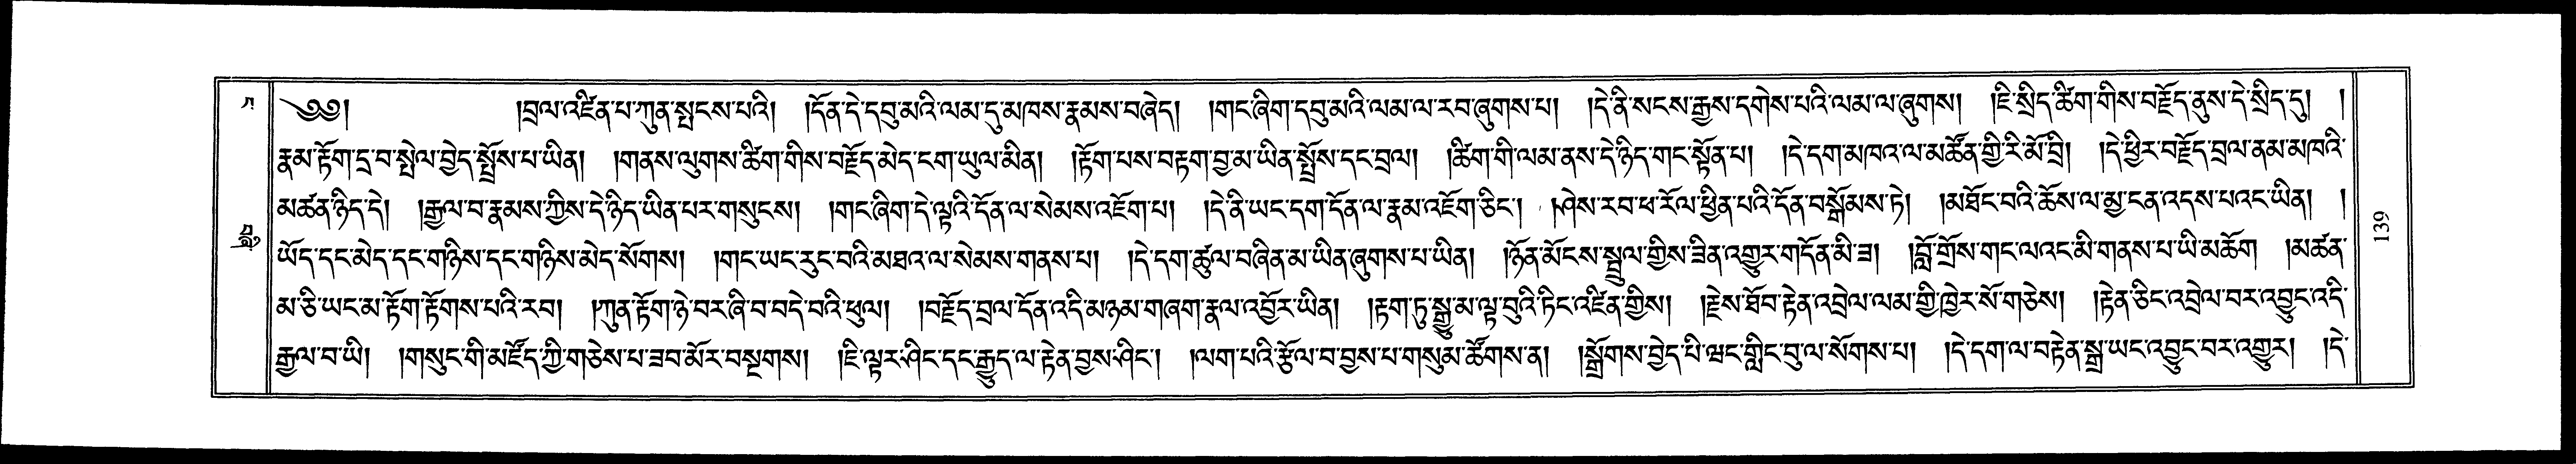༄༅། །བྲལ་འཛིན་པ་ཀུན་སྤངས་པའི། །དོན་དེ་དབུ་མའི་ལམ་དུ་མཁས་རྣམས་བཞེད། །གང་ཞིག་དབུ་མའི་ལམ་ལ་རབ་ཞུགས་པ། །དེ་ནི་སངས་རྒྱས་དགེས་པའི་ལམ་ལ་ཞུགས། །ཇི་སྲིད་ཚིག་གིས་བརྗོད་ནུས་དེ་སྲིད་དུ། །
རྣམ་རྟོག་དྲ་བ་སྤེལ་བྱེད་སྤྲོས་པ་ཡིན། །གནས་ལུགས་ཚིག་གིས་བརྗོད་མེད་ངག་ཡུལ་མིན། །རྟོག་པས་བརྟག་བྱ་མ་ཡིན་སྤྲོས་དང་བྲལ། །ཚིག་གི་ལམ་ནས་དེ་ཉིད་གང་སྟོན་པ། །དེ་དག་མཁའ་ལ་མཚོན་གྱི་རི་མོ་བྲི། །དེ་ཕྱིར་བརྗོད་བྲལ་ནམ་མཁའི་
མཚན་ཉིད་དེ། །རྒྱལ་བ་རྣམས་ཀྱིས་དེ་ཉིད་ཡིན་པར་གསུངས། །གང་ཞིག་དེ་ལྟའི་དོན་ལ་སེམས་འཇོག་པ། །དེ་ནི་ཡང་དག་དོན་ལ་རྣམ་འཇོག་ཅིང་། །ཤེས་རབ་ཕ་རོལ་ཕྱིན་པའི་དོན་བསྒོམས་ཏེ། །མཐོང་བའི་ཆོས་ལ་མྱ་ངན་འདས་པའང་ཡིན། །
ཡོད་དང་མེད་དང་གཉིས་དང་གཉིས་མེད་སོགས། །གང་ཡང་རུང་བའི་མཐའ་ལ་སེམས་གནས་པ། །དེ་དག་ཚུལ་བཞིན་མ་ཡིན་ཞུགས་པ་ཡིན། །ཉོན་མོངས་སྦྲུལ་གྱིས་ཟིན་འགྱུར་གདོན་མི་ཟ། །བློ་གྲོས་གང་ལའང་མི་གནས་པ་ཡི་མཆོག །མཚན་
མ་ཅི་ཡང་མ་རྟོག་རྟོགས་པའི་རབ། །ཀུན་རྟོག་ཉེ་བར་ཞི་བ་བདེ་བའི་ཕུལ། །བརྗོད་བྲལ་དོན་འདི་མཉམ་གཞག་རྣལ་འབྱོར་ཡིན། །རྟག་ཏུ་སྒྱུ་མ་ལྟ་བུའི་ཏིང་འཛིན་གྱིས། །རྗེས་ཐོབ་རྟེན་འབྲེལ་ལམ་གྱི་ཁྱེར་སོ་གཅེས། །རྟེན་ཅིང་འབྲེལ་བར་འབྱུང་འདི་
རྒྱལ་བ་ཡི། །གསུང་གི་མཛོད་ཀྱི་གཅེས་པ་ཟབ་མོར་བསྔགས། །ཇི་ལྟར་ཤིང་དང་རྒྱུད་ལ་རྟེན་བྱས་ཤིང་། །ལག་པའི་རྩོལ་བ་བྱས་པ་གསུམ་ཚོགས་ན། །སྒྲོགས་བྱེད་པི་ཝང་གླིང་བུ་ལ་སོགས་པ། །དེ་དག་ལ་བརྟེན་སྒྲ་ཡང་འབྱུང་བར་འགྱུར། །དེ་